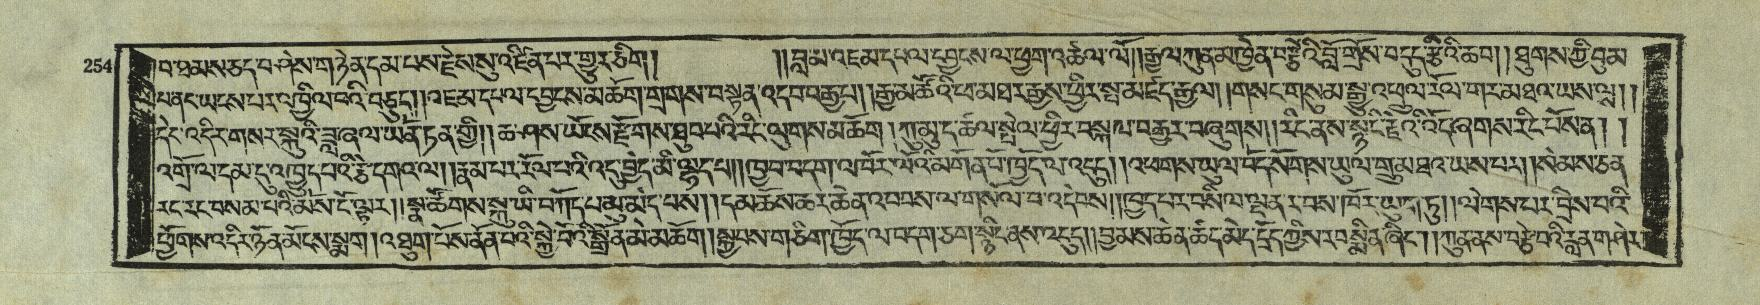བ་ཐམས་ཅད་བཤེས་གཉེན་དམ་པས་རྗེས་སུ་འཛིན་པར་གྱུར་ཅིག། །།བླ་མ་འཇམ་དཔལ་དབྱངས་ལ་ཕྱག་འཚལ་ལོ། །རྒྱལ་ཀུན་མཁྱེན་བརྩེའི་བློ་གྲོས་བདུད་རྩིའི་ཆབ། །ཐུགས་ཀྱི་བུམ་
པ་ནང་ཡངས་པར་འཁྱིལ་བའི་བཅུད། །འཇམ་དཔལ་དབྱངས་མཆོག་གྲགས་བསྟན་འདབ་བརྒྱ་པ། །རྒྱ་མཚོའི་ཕ་མཐར་རྒྱས་ཕྱིར་སྤ་མཛད་རྒྱལ། །གསང་གསུམ་སྒྱུ་འཕྲུལ་རོལ་གར་མཐའ་ཡས་ལས། །
དེང་འདིར་གསར་སྐུའི་ཟླ་ཞལ་ཡོན་ཏན་གྱི། །ཆ་ཤས་ཡོངས་རྫོགས་ཐུབ་པའི་རིང་ལུགས་མཆོག །ཀུ་མུ་ད་ཚལ་སྤེལ་ཕྱིར་བསྐལ་བརྒྱར་བཞུགས། །རིང་ནས་སྙིང་རྗེའི་འོད་ཞགས་རིང་པོས་ན། །
འགྲོ་ལ་དམ་དུ་འཁྱུད་པའི་རྩེ་དགའ་ལ། །རྣམ་པར་རོལ་པའི་འདུ་བྱེད་མི་ལྷད་པ། །ཁྱབ་བདག་འཁོར་ལོའི་མགོན་པོ་ཁྱོད་ལ་འདུད། །འཕགས་ཡུལ་བོད་སོགས་ཡུལ་གྲུ་མཐའ་ཡས་པར། །སེམས་ཅན་
རང་རང་བསམ་པའི་མོས་ངོ་ལྟར། །སྣ་ཚོགས་སྐུ་ཡི་བཀོད་པ་མུ་མེད་པས། །དམ་ཆོས་ཆར་ཆེན་འབབས་ལ་གསོལ་བ་འདེབས། །ཁྱད་པར་བསིལ་ལྡན་ར་བས་ཁོར་ཡུག་ཏུ། །ལེགས་པར་བྲིས་པའི་
ཕྱོགས་འདིར་ཉོན་མོངས་སྨག །འཐུག་པོས་ནོན་པའི་སྐྱེ་བོའི་སྒྲོན་མེ་མཆོག །སྐྱབས་གཅིག་ཁྱོད་ལ་བདག་ཅག་སྙིང་ནས་འདུད། །བྱམས་ཆེན་ཚད་མེད་དྲོད་ཀྱིས་རབ་སྨིན་ཞིང་། །ཀུན་ནས་བརྩེ་བའི་རླན་གཤེར་